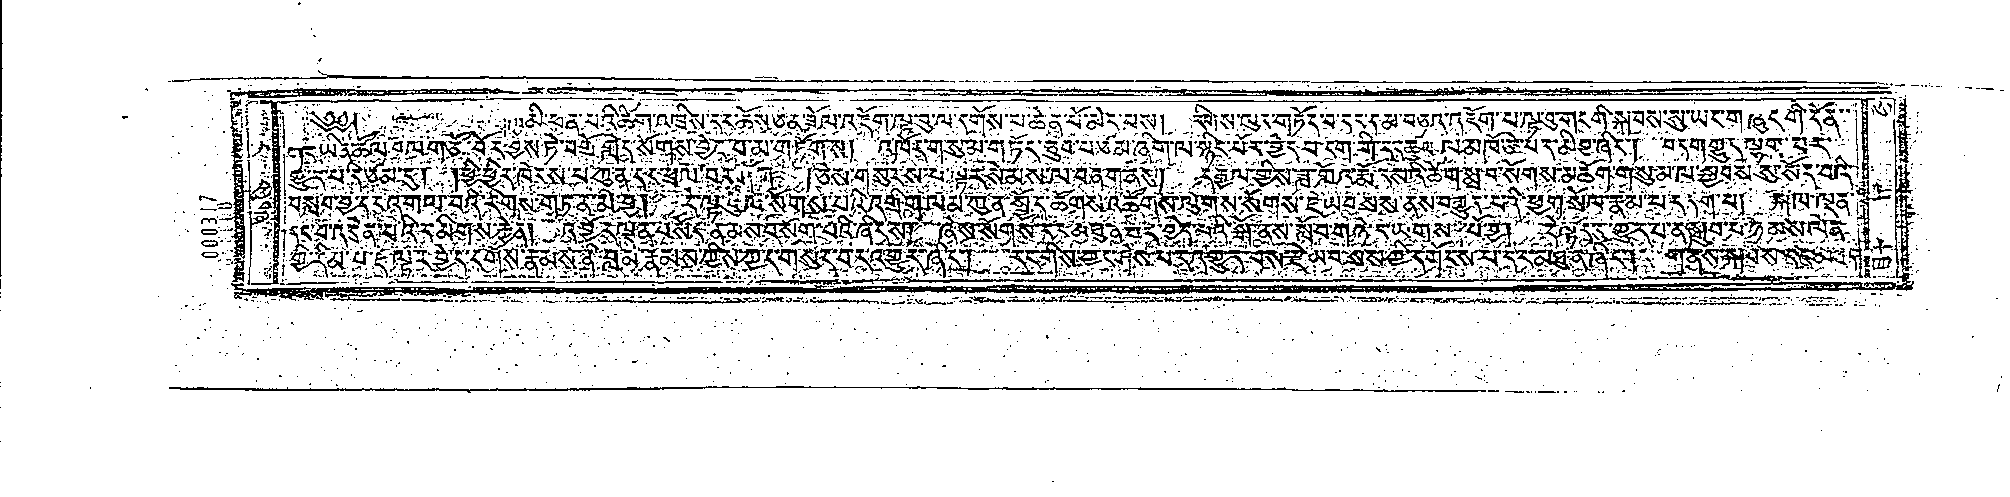༄༅། །ལ་མི་ཕན་པའི་ཚིག་འཁྲིས་དང་ཆོས་ཅན་ཟོལ་འཇོག་ལྟ་བུ་ལ་དགོས་པ་ཆེན་པོ་མེད་པས། རིགས་ལུང་གཏོང་བ་དང་དམ་བཅའ་འཇོག་པ་ལྟ་བུ་གང་གི་སྐབས་སུ་ཡང་གཞུང་གི་དོན་
གང་ཡིན་ཚོལ་བ་ལ་གཙོ་བོར་བྱས་ཏེ་བགྲོ་གླེང་སོགས་བྱེད་པ་མ་གཏོགས། འཁོར་གསུམ་གཏོང་ཐུབ་པ་ཙམ་ཞིག་ལ་སྙིང་པོར་བྱེད་པ་དག་གི་དང་ཚུལ་ལ་མཁོ་ཆེ་པར་མི་བྱ་ཞིང་། བདག་གྱུར་ལྷག་པར་
གྱུར་པ་དི་ཙམ་དུ། །ཕྱི་ཕྱིར་ཁེངས་པ་ཀུན་དང་ཕྲལ་བར་ཤོག །ཅེས་གསུངས་པ་ལྟར་སེམས་ལ་བཞག་ནས། ང་རྒྱལ་གྱིས་ཟླ་གློའི་རྨོང་སའི་ཚེག་སྨྲ་བ་སོགས་མཆོག་གསུམ་ལ་སྐྱབས་སུ་སོང་བའི་
བསླབ་བྱ་དང་འགལ་བའི་རིགས་གཏན་མི་བྱ། དེ་ལྟ་བུ་ལ་སོགས་པའི་འགྲིག་ལམ་ཀུན་སྤྱོད་ཚོགས་འཚོགས་ལུགས་སོགས་རྗེ་ཡབ་སྲས་ནས་བརྒྱུད་པའི་ཕྱག་སྲོལ་རྣམ་པར་དག་པ། སྐལ་ལྡན་
དང་བ་འདྲེན་པའི་དམིགས་རྐྱེན། འབྱོར་ལྡན་བསོད་ནམས་བསོག་པའི་ཞིངས། ཞེས་སོགས་དང་མཐུན་བར་བྱེད་པའི་སྒོ་ནས་སློབ་གཉེར་ཡགས་པོ་བྱ། དེ་ལྟར་དུ་གྱུར་པ་ན་སྒྲུབ་པ་ཉམས་ལེན་
གྱི་རིམ་པ་ཇི་ལྟར་བྱེད་དགོས་རྣམས་ནི་བླ་མ་རྣམས་ཀྱིས་ཀྱང་གསུང་བར་འགྱུར་ཞིང་། རང་གིས་ཀྱང་ཤེས་པར་འགྱུར་བས་རྗེ་ཡབ་སྲས་ཀྱི་དགོངས་པ་དང་མཐུན་ཞིང་། གནས་སྐབས་དང་མཐར་